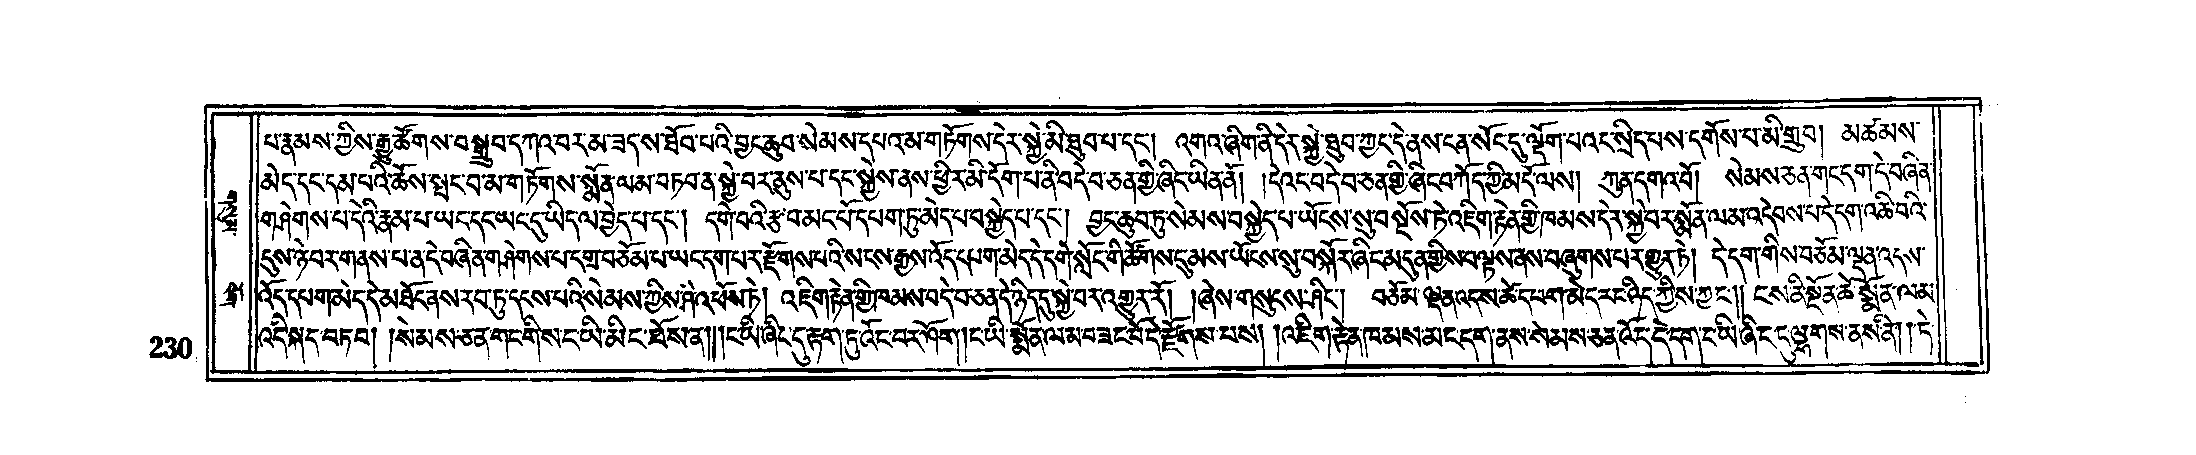པ་རྣམས་ཀྱིས་རྒྱུ་ཚོགས་བསྒྲུབ་དཀའ་བར་མ་ཟད་ས་ཐོབ་པའི་བྱང་ཆུབ་སེམས་དཔའ་མ་གཏོགས་དེར་སྐྱེ་མི་ཐུབ་པ་དང་། འགའ་ཞིག་ནི་དེར་སྐྱེ་ཐུབ་ཀྱང་དེ་ནས་ངན་སོང་དུ་ལྡོག་པའང་སྲིད་པས་དགོས་པ་མི་གྲུབ། མཚམས་
མེད་དང་དམ་པའི་ཆོས་སྤང་བ་མ་གཏོགས་སྨོན་ལམ་བཏབ་ན་སྐྱེ་བར་ནུས་པ་དང་སྐྱེས་ནས་ཕྱིར་མི་དོག་པ་ནི་བདེ་བ་ཅན་གྱི་ཞིང་ཡིན་ནོ། །དེའང་བདེ་བ་ཅན་གྱི་ཞིང་བཀོད་ཀྱི་མདོ་ལས། ཀུན་དགའ་བོ། སེམས་ཅན་གང་དག་དེ་བཞིན་
གཤེགས་པ་དེའི་རྣམ་པ་ཡང་དང་ཡང་དུ་ཡིད་ལ་བྱེད་པ་དང་། དགེ་བའི་རྩ་བ་མང་པོ་དཔག་ཏུ་མེད་པ་བསྐྱེད་པ་དང་། བྱང་ཆུབ་ཏུ་སེམས་བསྐྱེད་པ་ཡོངས་སུ་བསྔོས་ཏེ་འཇིག་རྟེན་གྱི་ཁམས་དེར་སྐྱེ་བར་སྨོན་ལམ་འདེབས་པ་དེ་དག་འཆི་བའི་
དུས་ཉེ་བར་གནས་པ་ན་དེ་བཞིན་གཤེགས་པ་དགྲ་བཅོམ་པ་ཡང་དག་པར་རྫོགས་པའི་སངས་རྒྱས་འོད་དཔག་མེད་དེ་དགེ་སློང་གི་ཚོགས་དུ་མས་ཡོངས་སུ་བསྐོར་ཞིང་མདུན་གྱིས་བལྟས་ནས་བཞུགས་པར་གྱུར་ཏེ། དེ་དག་གིས་བཅོམ་ལྡན་འདས་
འོད་དཔག་མེད་དེ་མཐོང་ནས་རབ་ཏུ་དངས་པའི་སེམས་ཀྱིས་ཤི་འཕོས་ཏེ། འཇིག་རྟེན་གྱི་ཁམས་བདེ་བ་ཅན་དེ་ཉིད་དུ་སྐྱེ་བར་འགྱུར་རོ། །ཞེས་གསུངས་ཤིང་། བཅོམ་ལྡན་འདས་ཚེ་དཔག་མེད་རང་ཉིད་ཀྱིས་ཀྱང་། །ངས་ནི་སྔོན་ཚེ་སྨོན་ལམ་
འདི་སྐད་བཏབ། །སེམས་ཅན་གང་གིས་ང་ཡི་མིང་ཐོས་ན། །ང་ཡི་ཞིང་དུ་རྟག་ཏུ་འོང་བར་ཤོག །ང་ཡི་སྨོན་ལམ་བཟང་པོ་དེ་རྫོགས་པས། །འཇིག་རྟེན་ཁམས་མང་དག་ནས་སེམས་ཅན་འོད་དེ་དག་ང་ཡི་ཞིང་དུ་ལྷགས་ནས་ནི། །དེ་